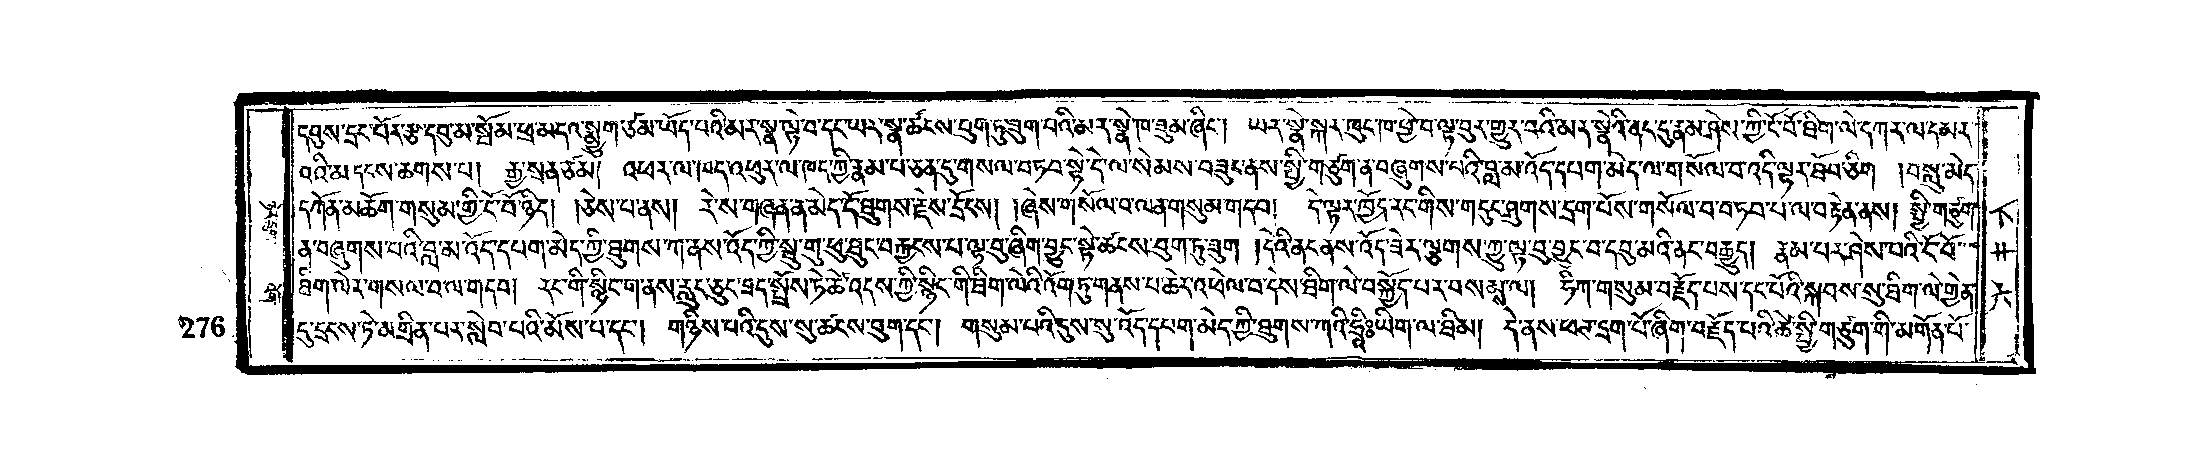དབུས་དྲང་པོར་རྩ་དབུ་མ་སྦོམ་ཕྲ་མདའ་སྨྱུག་ཙམ་ཡོད་པའི་མར་སྣ་ལྟེ་བ་དང་ཡར་སྣ་ཚངས་བུག་ཏུ་ཟུག་པའི་མར་སྣེ་ཁ་ཟུམ་ཞིང་། ཡར་སྣེ་སྐར་ཁུང་ཁ་ཕྱེ་བ་ལྟ་བུར་གྱུར་བའི་མར་སྣེའི་ནང་དུ་རྣམ་ཤེས་ཀྱི་ངོ་བོ་ཐིག་ལེ་དཀར་ལ་དམར་
བའི་མདངས་ཆགས་པ། རྒྱ་སྲན་ཙམ། འཕར་ལ་ཁད་འཕུར་ལ་ཁད་ཀྱི་རྣམ་པ་ཅན་དུ་གསལ་བཏབ་སྟེ་དེ་ལ་སེམས་བཟུང་ནས་སྤྱི་གཙུག་ན་བཞུགས་པའི་བླ་མ་འོད་དཔག་མེད་ལ་གསོལ་བ་འདི་ལྟར་ཐོབ་ཅིག །བསླུ་མེད་
དཀོན་མཆོག་གསུམ་གྱི་ངོ་བོ་ཉིད། །ཅེས་པ་ནས། རེ་ས་གཞན་ན་མེད་དོ་ཐུགས་རྗེས་དྲོངས། །ཞེས་གསོལ་བ་ལན་གསུམ་གདབ། དེ་ལྟར་ཁྱོད་རང་གིས་གདུང་ཤུགས་དྲག་པོས་གསོལ་བ་བཏབ་པ་ལ་བརྟེན་ནས། སྤྱི་གཙུག་
ན་བཞུགས་པའི་བླ་མ་འོད་དཔག་མེད་ཀྱི་ཐུགས་ཀ་ནས་འོད་ཀྱི་སྦུ་གུ་ཕུ་ཐུང་བརྐྱངས་པ་ལྟ་བུ་ཞིག་བྱུང་སྟེ་ཚངས་བུག་ཏུ་ཟུག །དེའི་ནང་ནས་འོད་ཟེར་ལྕགས་ཀྱུ་ལྟ་བུ་བྱུང་བ་དབུ་མའི་ནང་བརྒྱུད། རྣམ་པར་ཤེས་པའི་ངོ་བོ་
ཐིག་ལེར་གསལ་བ་ལ་གདབ། རང་གི་སྙིང་ག་ནས་རླུང་ཅུང་ཟད་སྤྲོས་ཏེ་ཚེ་འདས་ཀྱི་སྙིང་གི་ཐིག་ལེའི་འོག་ཏུ་གནས་པ་ཆེར་འཕེལ་བ་དེས་ཐིག་ལེ་བསྐྱོད་པར་བསམས་ལ། ཧིཀ་གསུམ་བརྗོད་པས་དང་པོའི་སྐབས་སུ་ཐིག་ལེ་གྱེན་
དུ་དྲངས་ཏེ་མགྲིན་པར་སླེབ་པའི་མོས་པ་དང་། གཉིས་པའི་དུས་སུ་ཚངས་བུག་དང་། གསུམ་པའི་དུས་སུ་འོད་དཔག་མེད་ཀྱི་ཐུགས་ཀའི་ཧྲཱིཿ ཡིག་ལ་ཐིམ། དེ་ནས་ཕཊ་དྲག་པོ་ཞིག་བརྗོད་པའི་ཚེ་སྤྱི་གཙུག་གི་མགོན་པོ་